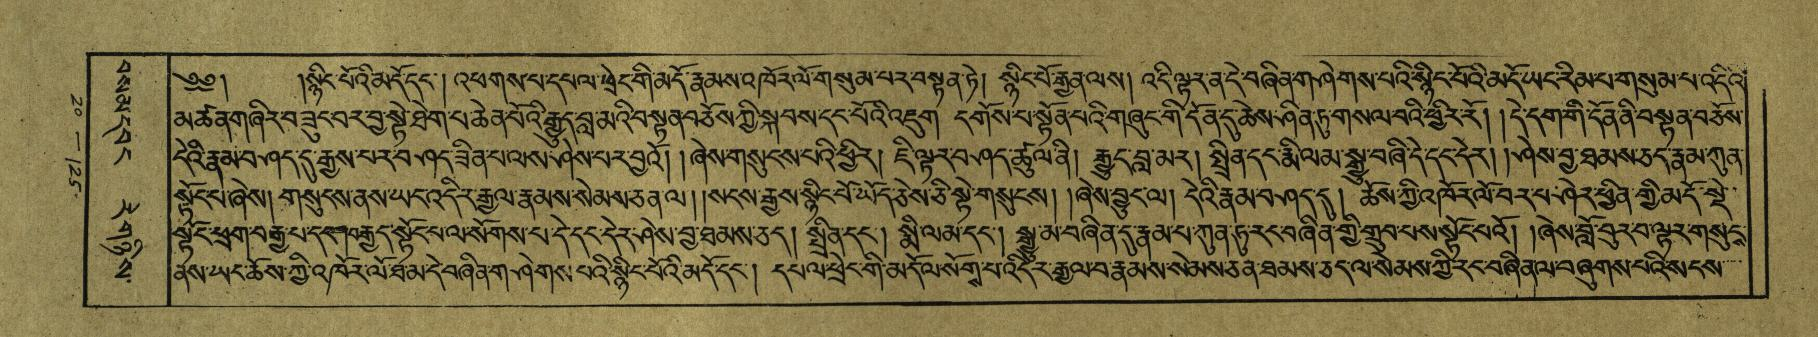༄༅། །སྙིང་པོའི་མདོ་དང་། འཕགས་པ་དཔལ་ཕྲེང་གི་མདོ་རྣམས་འཁོར་ལོ་གསུམ་པར་བསྟན་ཏེ། སྙིང་པོ་རྒྱན་ལས། འདི་ལྟར་ན་དེ་བཞིན་གཤེགས་པའི་སྙིང་པོའི་མདོ་ཡང་རིམ་པ་གསུམ་པ་འདིའི་
མཚན་གཞིར་བཟུང་བར་བྱ་སྟེ་ཐེག་པ་ཆེན་པོའི་རྒྱུད་བླ་མའི་བསྟན་བཅོས་ཀྱི་སྐབས་དང་པོའི་འཇུག་དགོས་པ་སྟོན་པའི་གཞུང་གི་དོན་དུ་ཆེས་ཤིན་ཏུ་གསལ་བའི་ཕྱིར་རོ། །དེ་དག་གི་དོན་ནི་བསྟན་བཅོས་
དེའི་རྣམ་བཤད་དུ་རྒྱས་པར་བཤད་ཟིན་པ་ལས་ཤེས་པར་བྱའོ། །ཞེས་གསུངས་པའི་ཕྱིར། ཇི་ལྟར་བཤད་ཚུལ་ནི། རྒྱུད་བླ་མར། སྤྲིན་དང་རྨི་ལམ་སྒྱུ་བཞི་དེ་དང་དེར། །ཤེས་བྱ་ཐམས་ཅད་རྣམ་ཀུན་
སྟོང་པ་ཞེས། གསུངས་ནས་ཡང་འདིར་རྒྱལ་རྣམས་སེམས་ཅན་ལ། །སངས་རྒྱས་སྙིང་པོ་ཡོད་ཅེས་ཅི་སྟེ་གསུངས། །ཞེས་བྱུང་ལ། དེའི་རྣམ་བཤད་དུ། ཆོས་ཀྱི་འཁོར་ལོ་བར་པ་ཤེར་ཕྱིན་གྱི་མདོ་སྡེ་
སྟོང་ཕྲག་བརྒྱ་པ་དང་། བརྒྱད་སྟོང་པ་ལ་སོགས་པ་དེ་དང་དེར་ཤེས་བྱ་ཐམས་ཅད། སྤྲིན་དང་། སྨི་ལམ་དང་། སྒྱུ་མ་བཞིན་དུ་རྣམ་པ་ཀུན་ཏུ་རང་བཞིན་གྱི་གྲུབ་པས་སྟོང་པའོ། །ཞེས་བློ་བུར་བ་ལྟར་གསུངས་
ནས་ཡང་ཆོས་ཀྱི་འཁོར་ལོ་ཐ་མ་དེ་བཞིན་གཤེགས་པའི་སྙིང་པོའི་མདོ་དང་། དཔལ་ཕྲེང་གི་མདོ་ལ་སོགས་པ་འདིར་རྒྱལ་བ་རྣམས་སེམས་ཅན་ཐམས་ཅད་ལ་སེམས་ཀྱི་རང་བཞིན་ལ་བཞུགས་པའི་སངས་